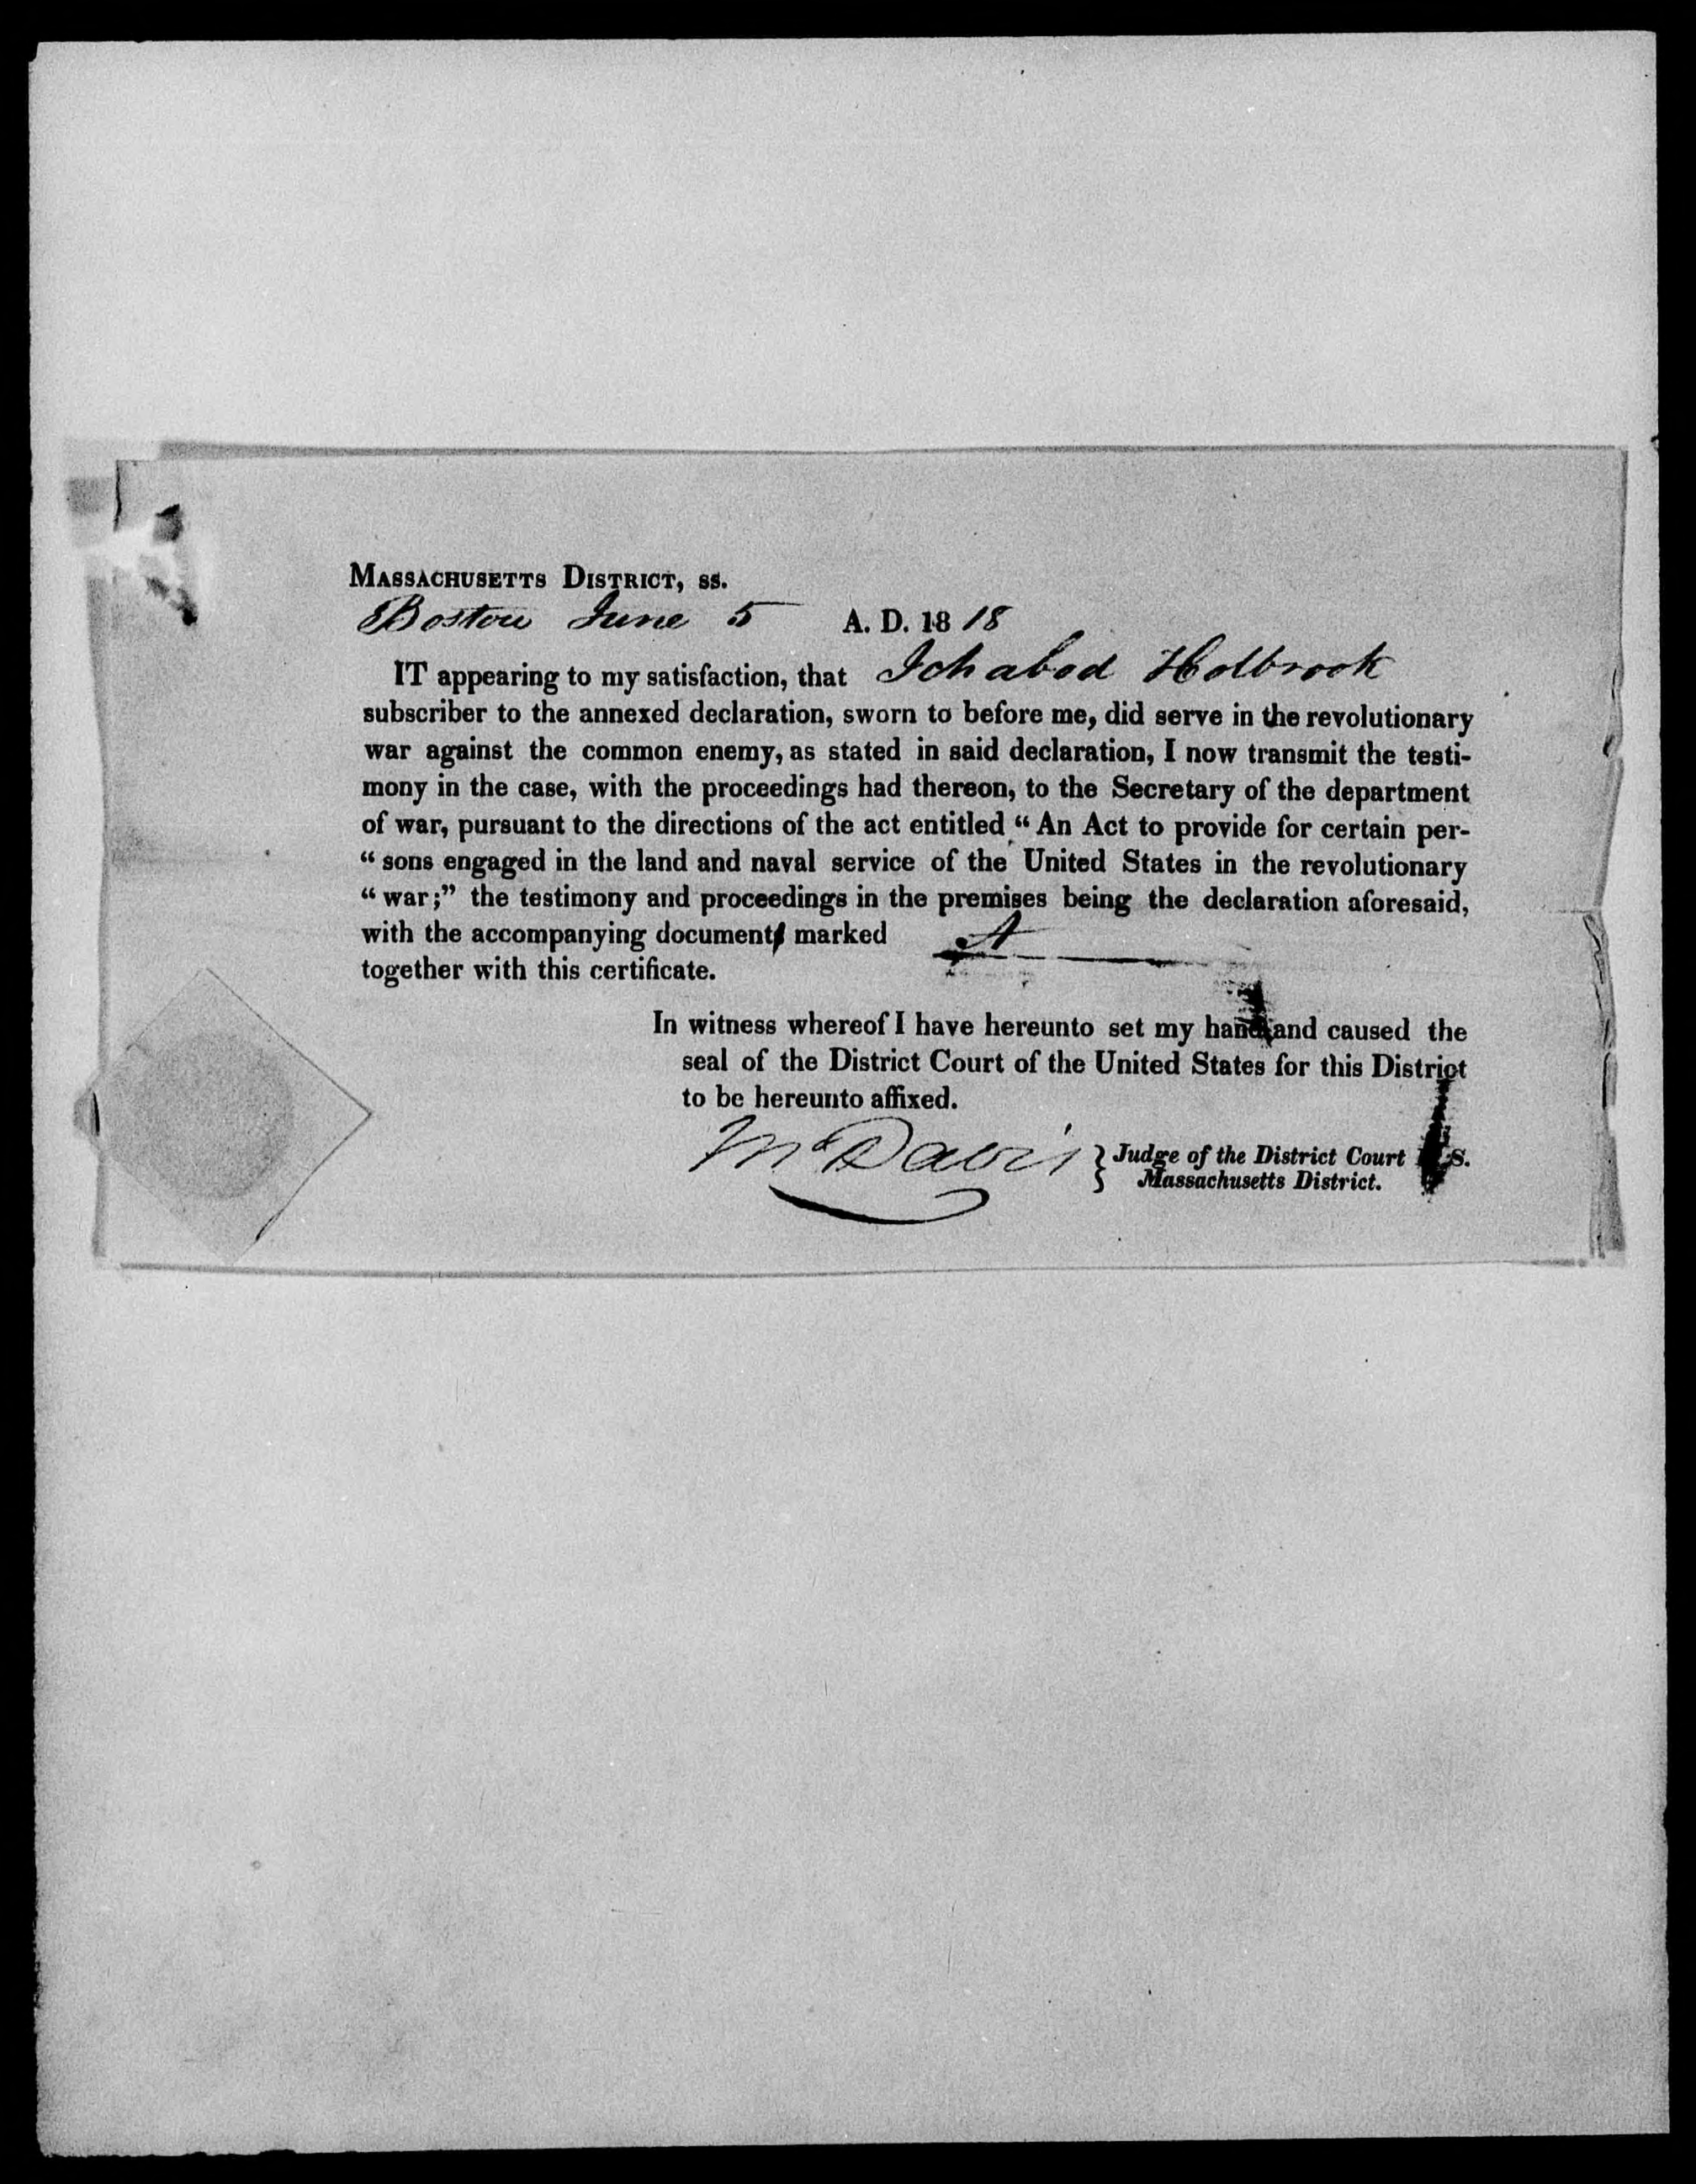MASSACHUSETTS DISTRICT, ss.
Boston June 5 A. D. 1818
IT appearing to my satisfaction, that Ichabod Holbrook subscriber to the annexed declaration, sworn to before me, did serve in the revolutionary war against the common enemy, as stated in said declaration, I now transit the testimony in the case, with the proceedings had thereon, to the Secretary of the department of war, pursuant to the directions of the act entitled "An Act to provide for certain persons engaged in the land and naval service of the United States in the revolutionary war;" the testimony and proceedings in the premises being the declaration aforesaid, together with this certificate.

In witness whereof I have hereunto set my hand and caused the seal of the District Court of the United States for this District Court of the United States for this District to be hereunto affixed.

M Davis} Judge of the District Court S
Massachusetts District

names: Jno Davis, Ichabod Holbrook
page: 3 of 15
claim: survivor's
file: S. 32,852, Ichabod Holbrook, Continental Mass.